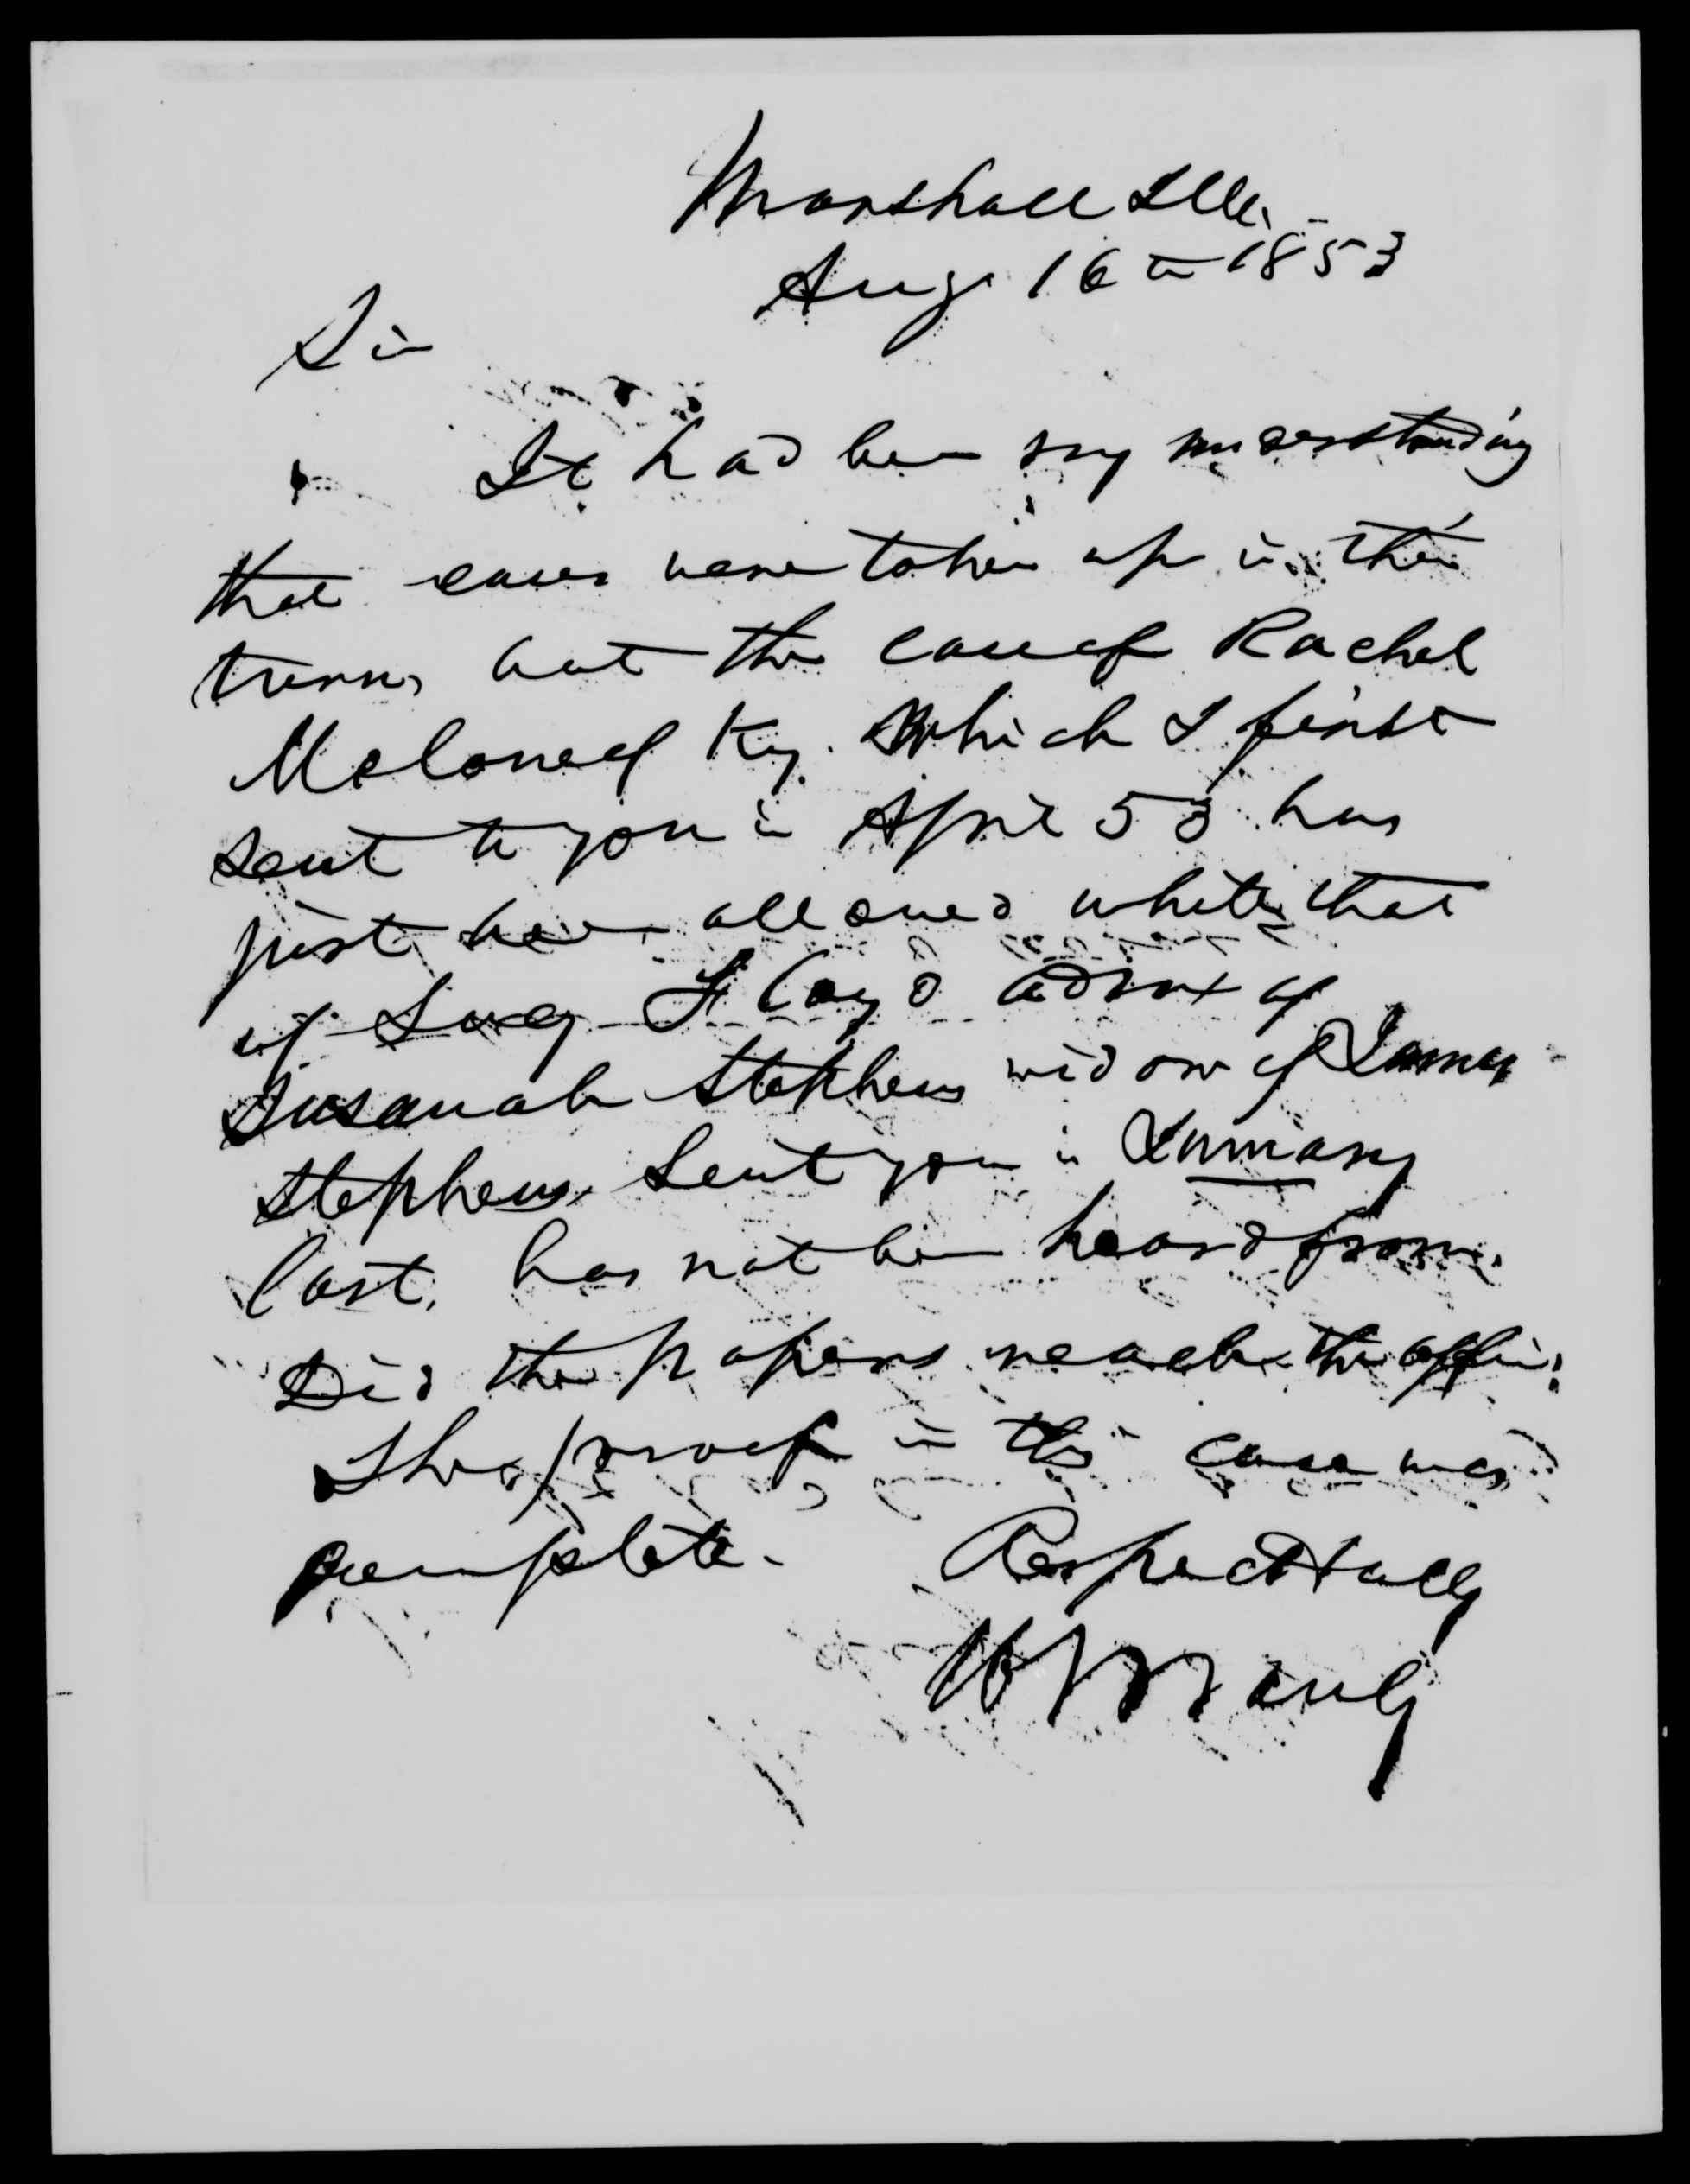Marshall Ill
Aug 16th 1853
Sir
It had be my understanding that [illegible] were taken up in the turn, but the case of Rachel Moloneel Ky which I first sent to you in April 53 has just been allowed while that of Lucy Floyd admx of Susanah Stephens widow of James Stephens, Sent you in January last, has not be heard from. Did the papers reach the office? The proof in the case was [illegible]plete.
Respectfully
W Manly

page: 65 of 99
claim: widow's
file: W 8766, for James Stevens, Virginia